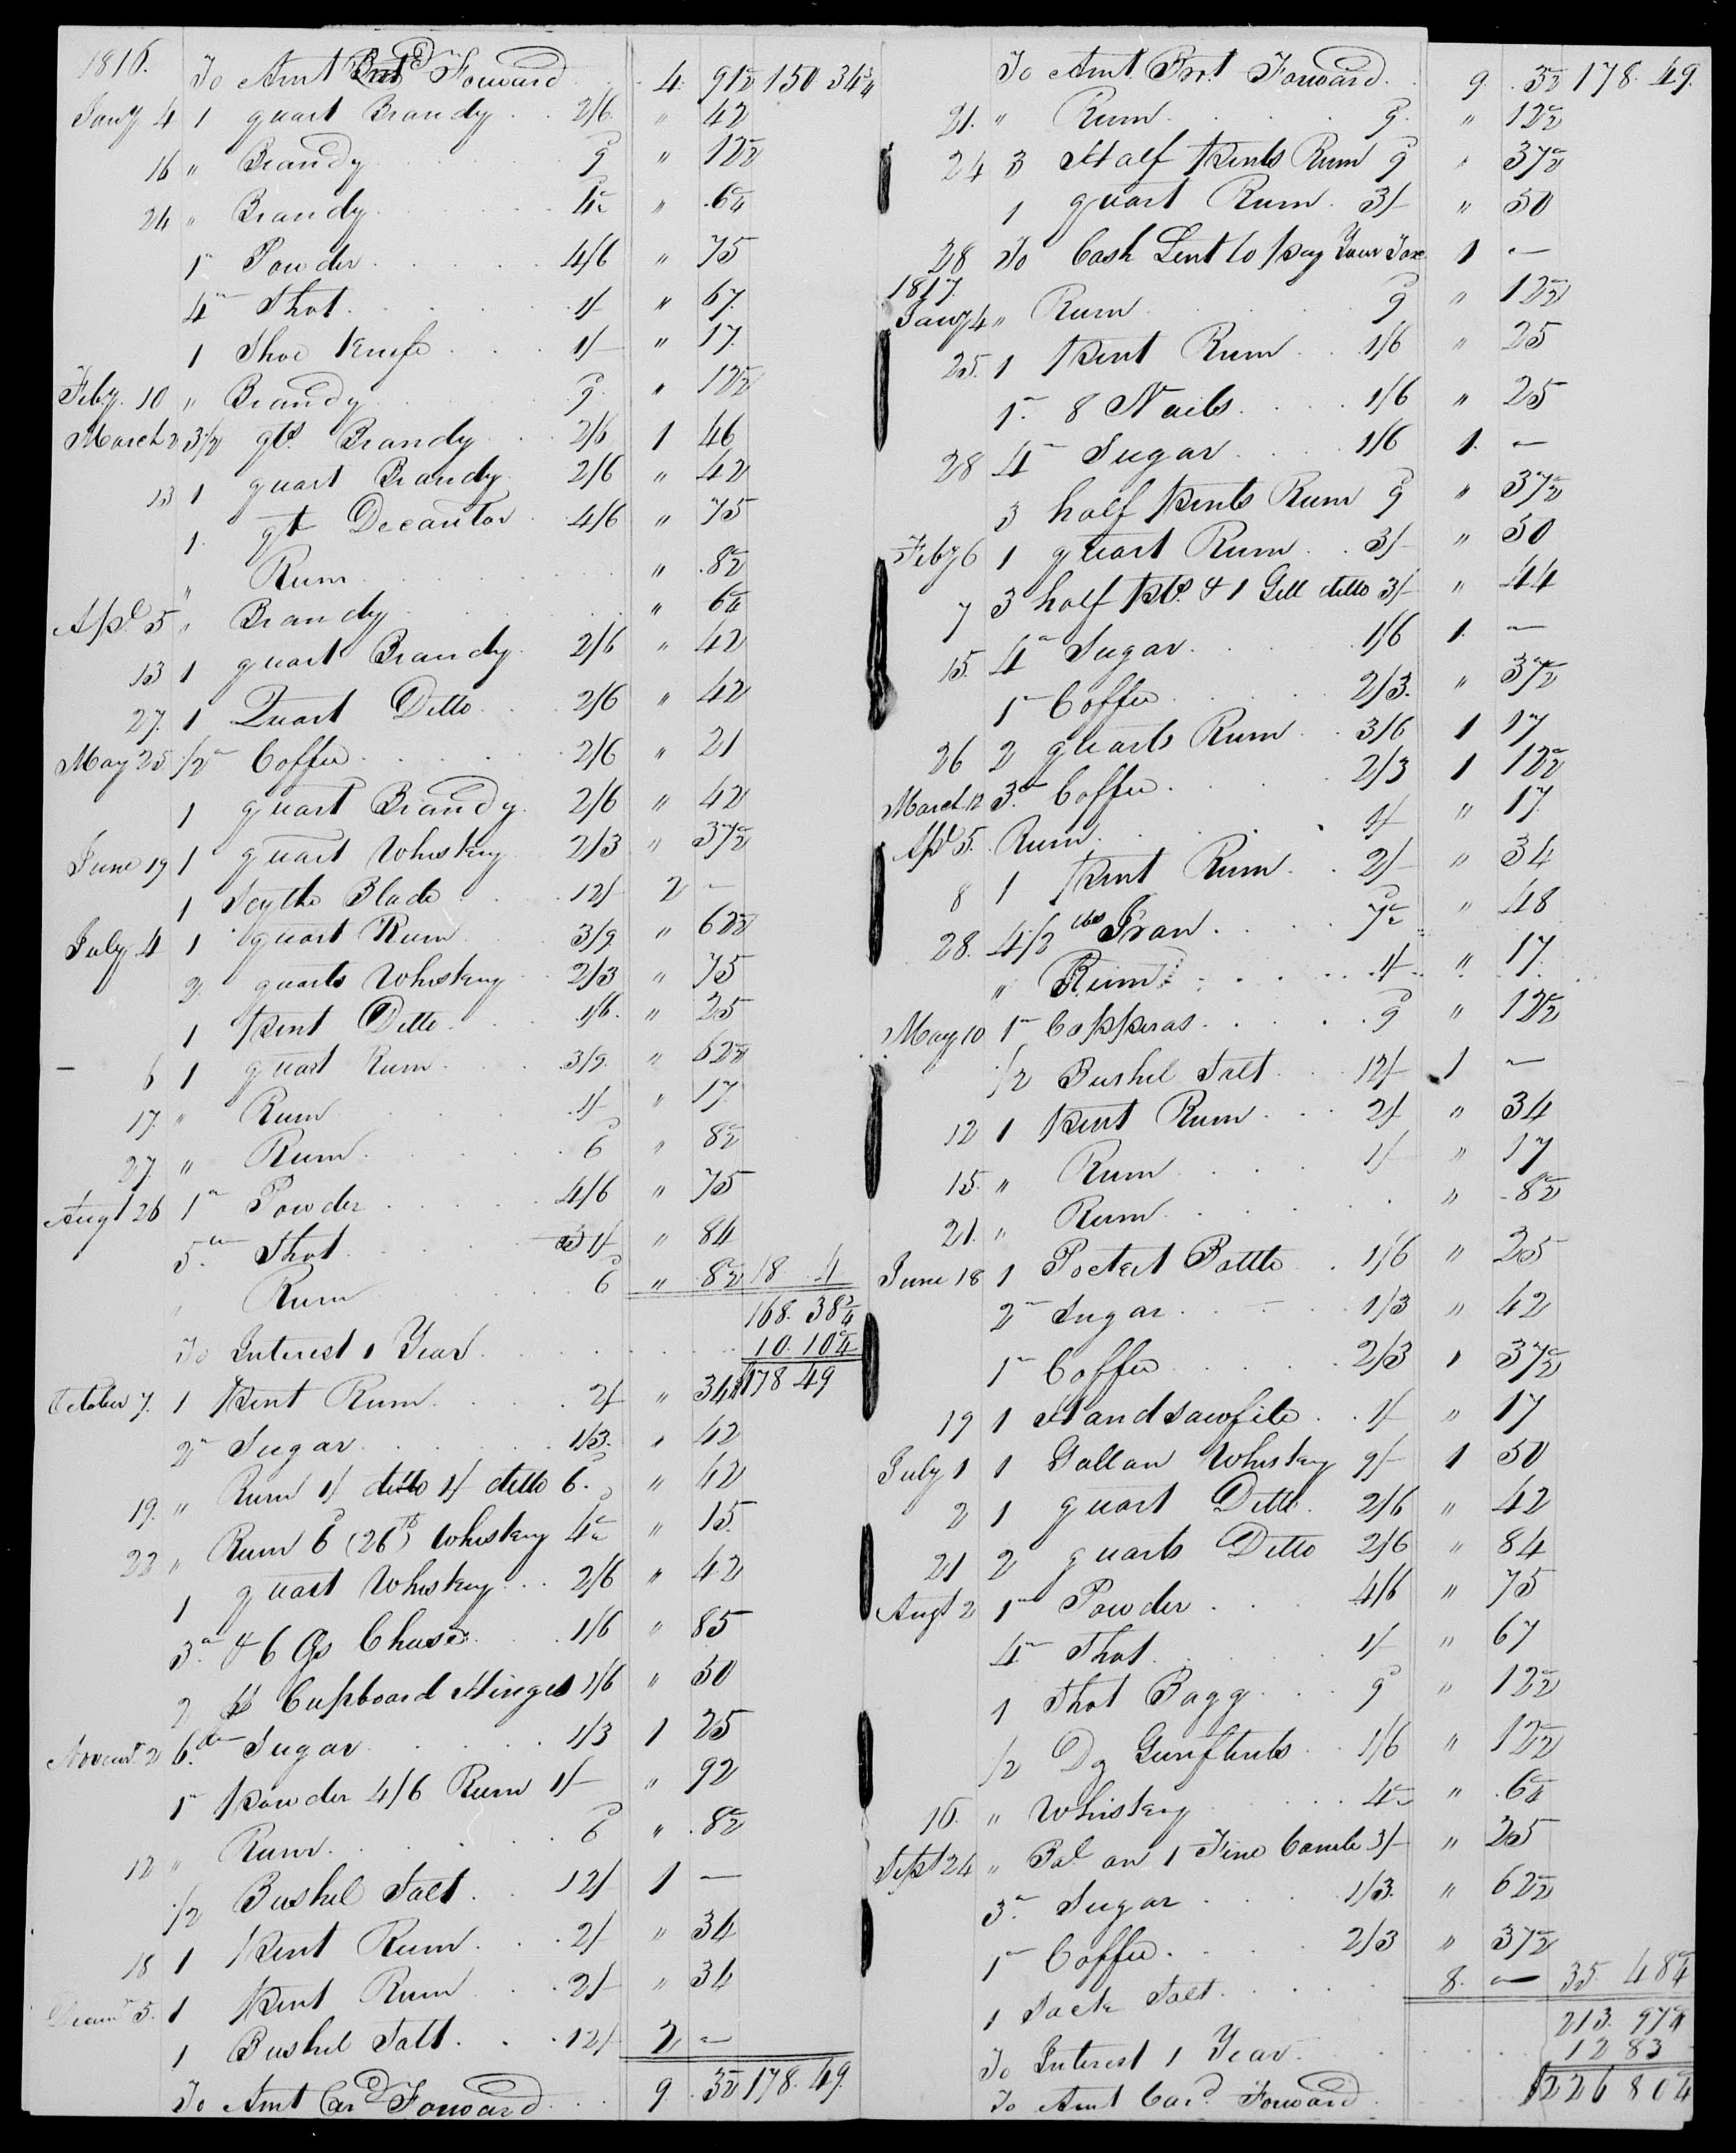[Left column:]
1816-To amount brought forward-4.91-150.34
January 4-1 quart brandy…2/6-.42
January 16-1 quart brandy…9-4.12
January 24-1 quart brandy…4-.64
January 24-1quart powder…4/6-.75
January 24-4 quarts shot-1/-.67
January 24-1 shoe knife…1/-.17February 10-1 quart brandy-9-[illegible]
March 2-3/2 gallons brandy-2/6-1.46
March 13-1 quart brandy…2/6-.42
March 13-1 quart decanter…4/6-.75
March 13-1 quart rum….82
April 5-1 quart brandy…2/6-.64
April 13-1 quart brandy…2/6-.42
April 27-1 quart ditto [brandy]…2/6-.42	
May 25-½ pound coffee…2/6-.21
May 25-1 quart brandy…2/6-.42
June 19-1 quart whiskey…2/3	-.37 ½
June 19- 1 scythe blade…12/-2.__
July 4-1 quart rum…3/9-.62
July 4-2 quarts whiskey…⅔-.
July 4-1 pint ditto [whiskey]…⅙-.25
July 6-1 quart rum…3/9-.62
July 17-1 quart rum…1/-.17
July 27-1 quart rum…6-.82
August 26-1 pound powder…4/6-.75
August 26-5 pounds shot…1/-.84
August 26-rum…6-.82
168.38 ¾
Interest year…10.10 ¾
October 7-1 pint rum…2/-.34
October 7-2 pounds sugar…1/3-.42
October 19-ditto rum 1/ ditto 1/ ditto 6-.42
October 22-ditto 6 (26)  whiskey…4-.15
October 22-1 quart whiskey…2/6-.42
October 22-[illegible]6 [illegible] cheese…⅙-.85
October 22-pair cupboard hinges…⅙-.50
November 2-6 punds sugar…⅓-1.25
November 2-1 pound powder 4/6 rum 1/-.92
November 12-ditto rum…6-.82
November 12-½ bushel salt…12/-1__
November 18-1 pint rum…2/-.36
December 5-1 pint rum…2/-.36
December 5-1 bushel salt…12/-2__
To amount carried forward…9.30-178.49

[Right column:]
To amount carried forward…9.30-178.49

21-ditto rum…9-12 ½
24-3 half pints rum…9-.12 ½
24-1 quart rum…3/-.50
28-To cash lent to pay your tax-1__
1817
January 4-ditto rum…9-12 ½
January 25-1 pint rum…⅙-.25
January 25-8 nails…⅙-.25
January 28-4 pounds sugar…⅙-1__
January 28-3 half pints rum…9-.37 ½
February 6-1 quart rum…3/-.50
February 7-3 half pints and 1 gallon ditto…3/-.44
February 15-4 pounds sugar…⅙-1__
February 15-1 pound coffee…⅔-.37 ½
February 26-2 quarts rum…3/6-1.17
March 12-3 pounds coffee…⅔-1.12 ½
April 5-rum…1/-.17
April 8-1 pint rum…2/-.34
April 28-4 ½ pounds iron…7-.48
April 28-ditto rum…1/-.17
May 10-1 [illegible]…9-.12 ½
May 10-½ bushel salt…12/-1__
May 12-1 pint rum…2/-.34
May 15-1 pint rum…1/-.17
May 21-1 pint rum…-. 82
June 18-1 I potent bottle…1/6-.25
June 18-2 pounds sugar…⅓-.42
June 18-1 pound coffee…⅔-1.37 ½
June 19-1 hand saw file…1/-.17
July 1-1 gallon whiskey…1/-1.50
July 2-1 quart ditto…2/6-.42
July 21-2 quarts ditto…2/6-.84
August 2-1 pound powder…4/6-.75
August 2-4 pounds shot…4/6-.75
August 2-1 shot bang [sic]…9-12 ½
August 2-½ dozen gun flints…⅙-.12 ½
August 10-ditto whisky…4-.60
September 24-ditto [illegible] and 1 fine candle…3/-.25
September 24-5 pounds sugar…⅓-.62
September 24-1 pound coffee…⅔-.37 ½
September 24-1 sack salt…8__   35.48 ¼
213.97 ¼
To interest 1 year …12.83
To account carried forward $226.80 ¼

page: 29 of 49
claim: survivor's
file: S. 41513, George Duncan, N.C.